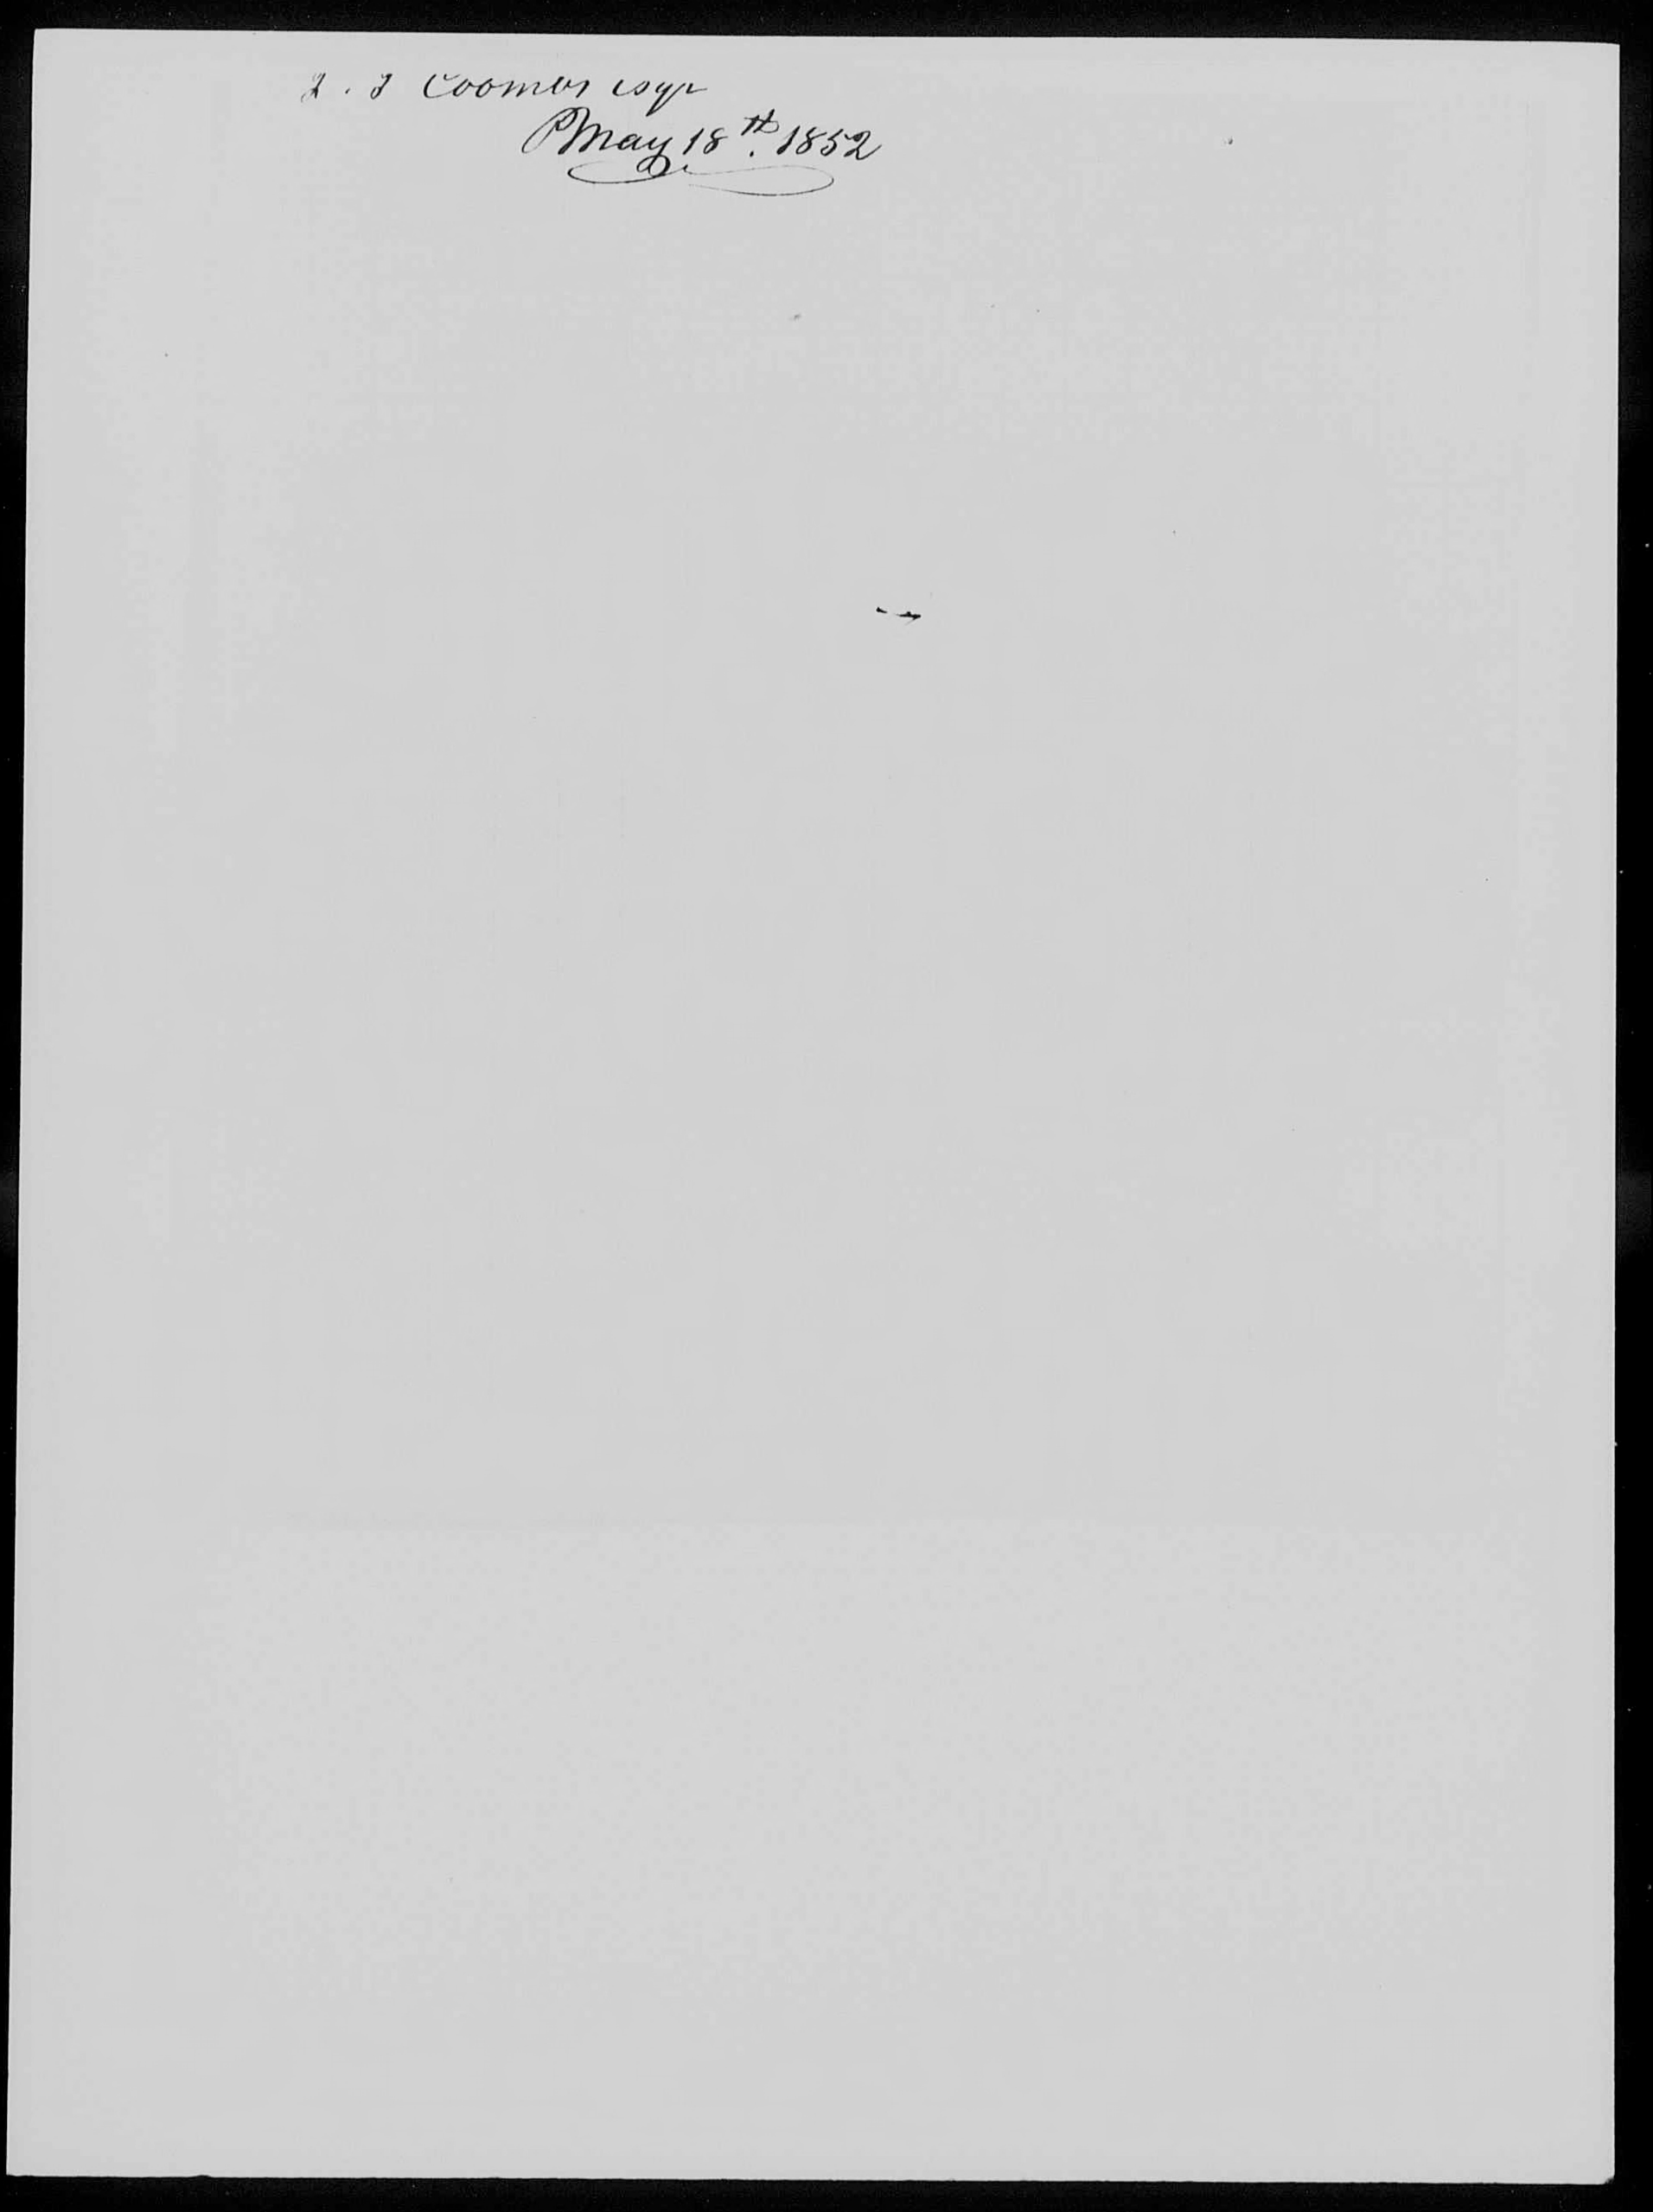J. J. Coombs Esqr
May 18th 1852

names: J J Coombs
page: 33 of 67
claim: rejected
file: R. 1009, Aaron Bonnel, New Jersey